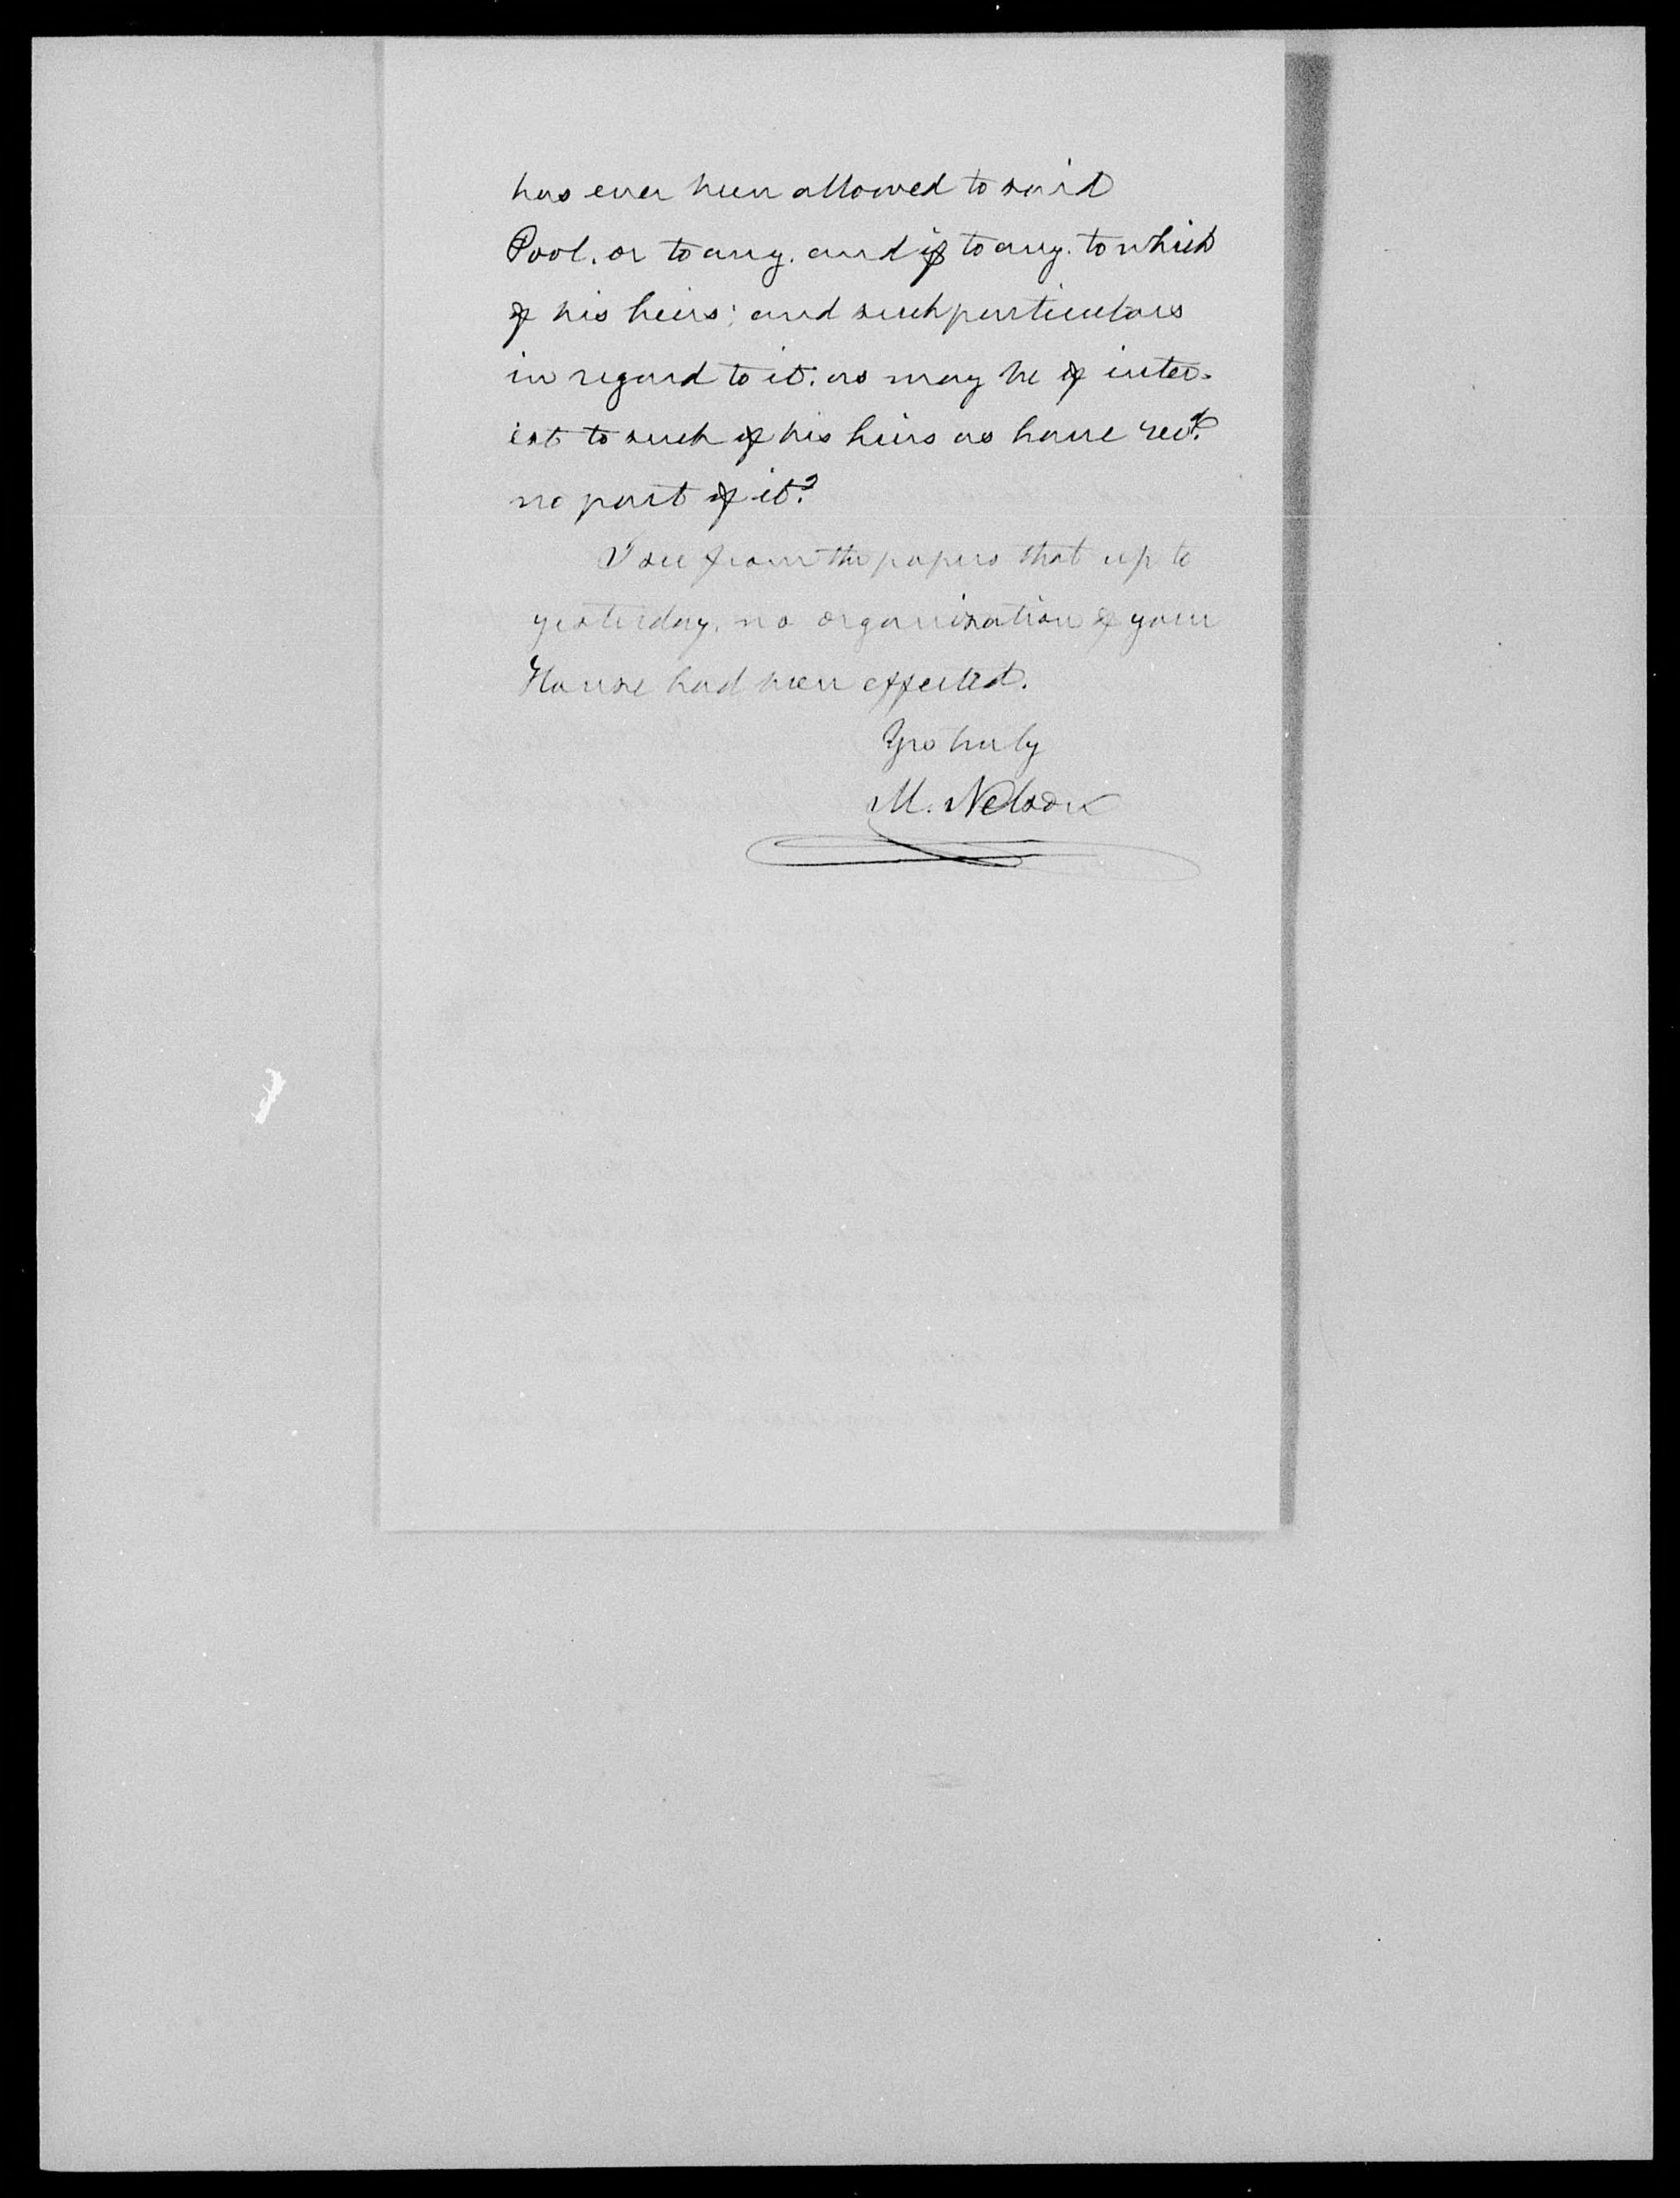has ever been allowed to said Pool or if to any to which of his heirs; and such particulars in regard to it or may be of interest to such of his heirs as rec. no part of it.

 I see from the papers that up to yesterday no organization of your House had been expected.
Yr truly
M. Nelson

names: [BLANK] Pool; M Nelson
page: 20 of 22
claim: rejected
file: R. 8,319, for John Engle Pool, Pennsylvania